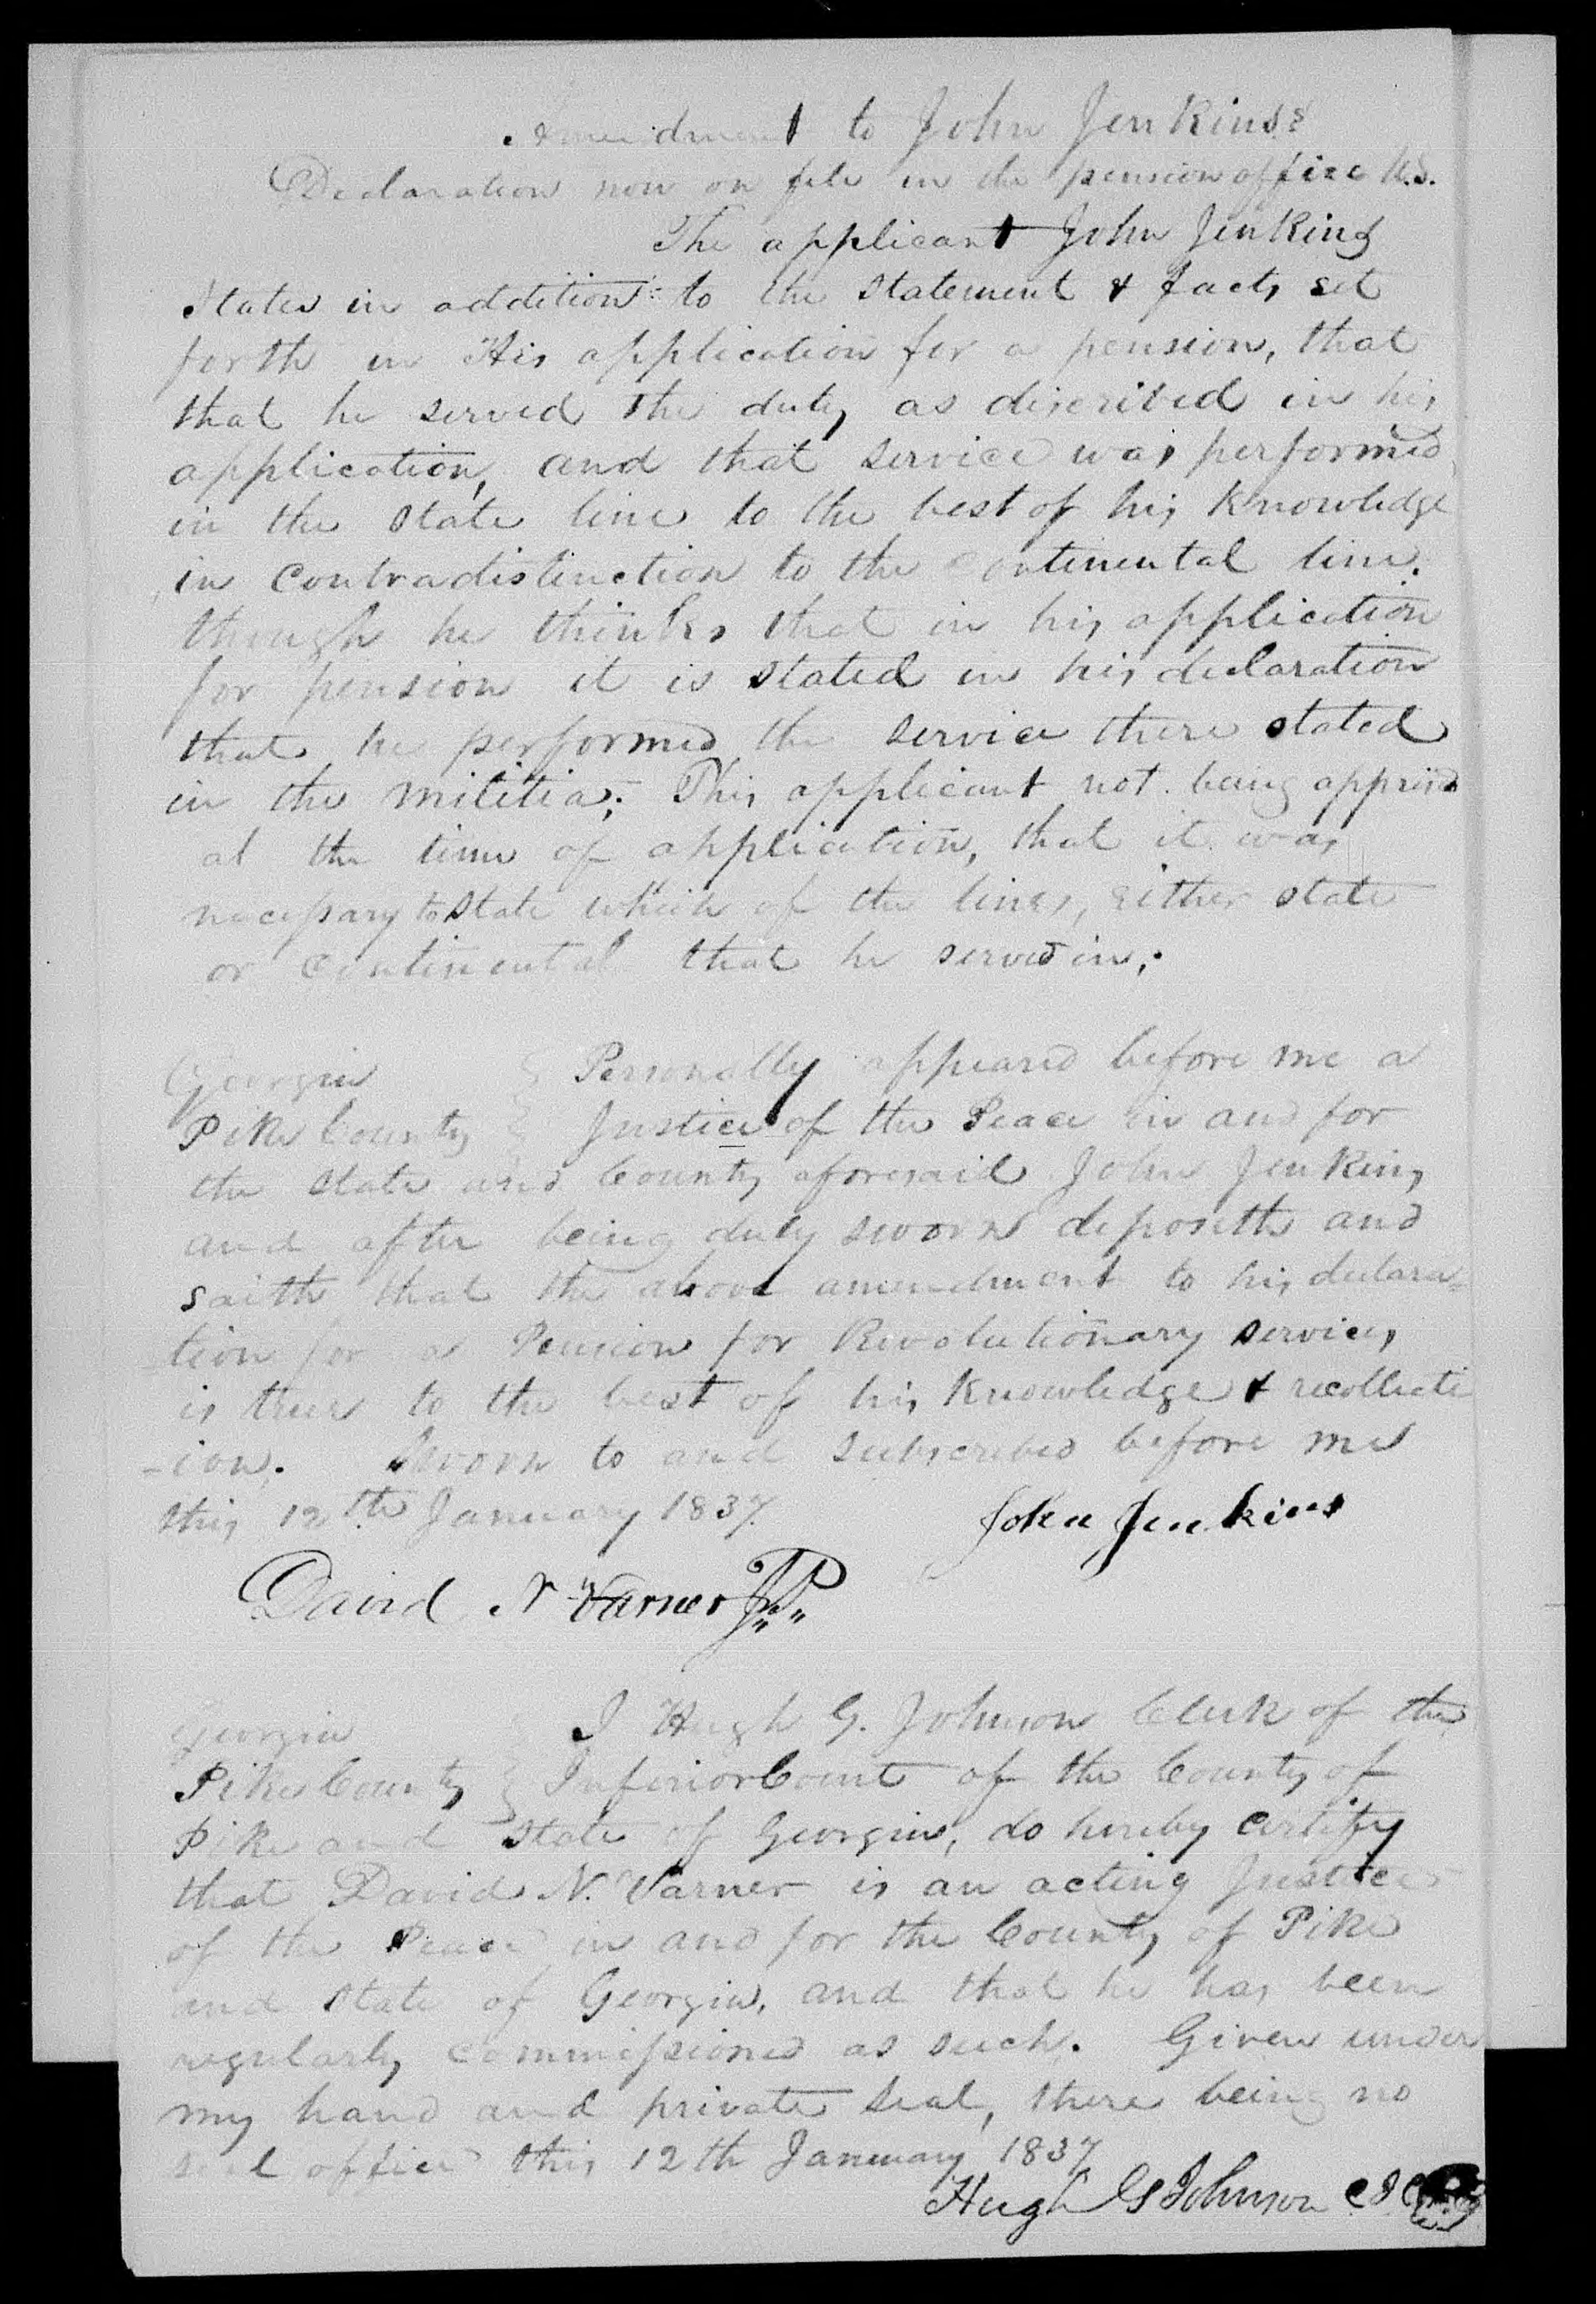Amendment to John Jenkins
Declaration now on file in the pension office U.S. The applicant John Jenkins States in addition to the statement & facts set forth in His application for a pension, that that he served the duty as discribed in his application, and that service was performed in the State line to the best of his knowledge in contradistinction to the continental line.
though he thinks that in his application
for pension it is stated in his declaration
that he performed the service there stated
in the militia; This applicant not being apprised
at the time of application, that it was
necessary to state which of the lines, either state Continental that he served in; 
Georgia 
Pike County
Personally appeared before me a Justice of the Peace in and for the State and County aforesaid John Jenkins and after being duly sworn deposeth and saith that the above amendment to his declaration for a Pension for Revolutionary service, is true to the best of his knowledge & recollection. Sworn to and subscribed before me this 12th January 1837.
John Jenkins
David N Varner JP
Georgia 
Pike County
I Hugh G. Johnson Clerk of the Inferior Court of the County of Pike and State of Georgia, do hereby certify that David N. Turner is an acting Justice of the Peace in and for the County of Pike and State of Georgia, and that he has been regularly commissioned as such. Given under my hand and private seal, there being no seal office this 12th January 1837
Hugh G Johnson C.J.C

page: 28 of 55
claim: widow's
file: W. 7894, for John Jenkins, Virginia